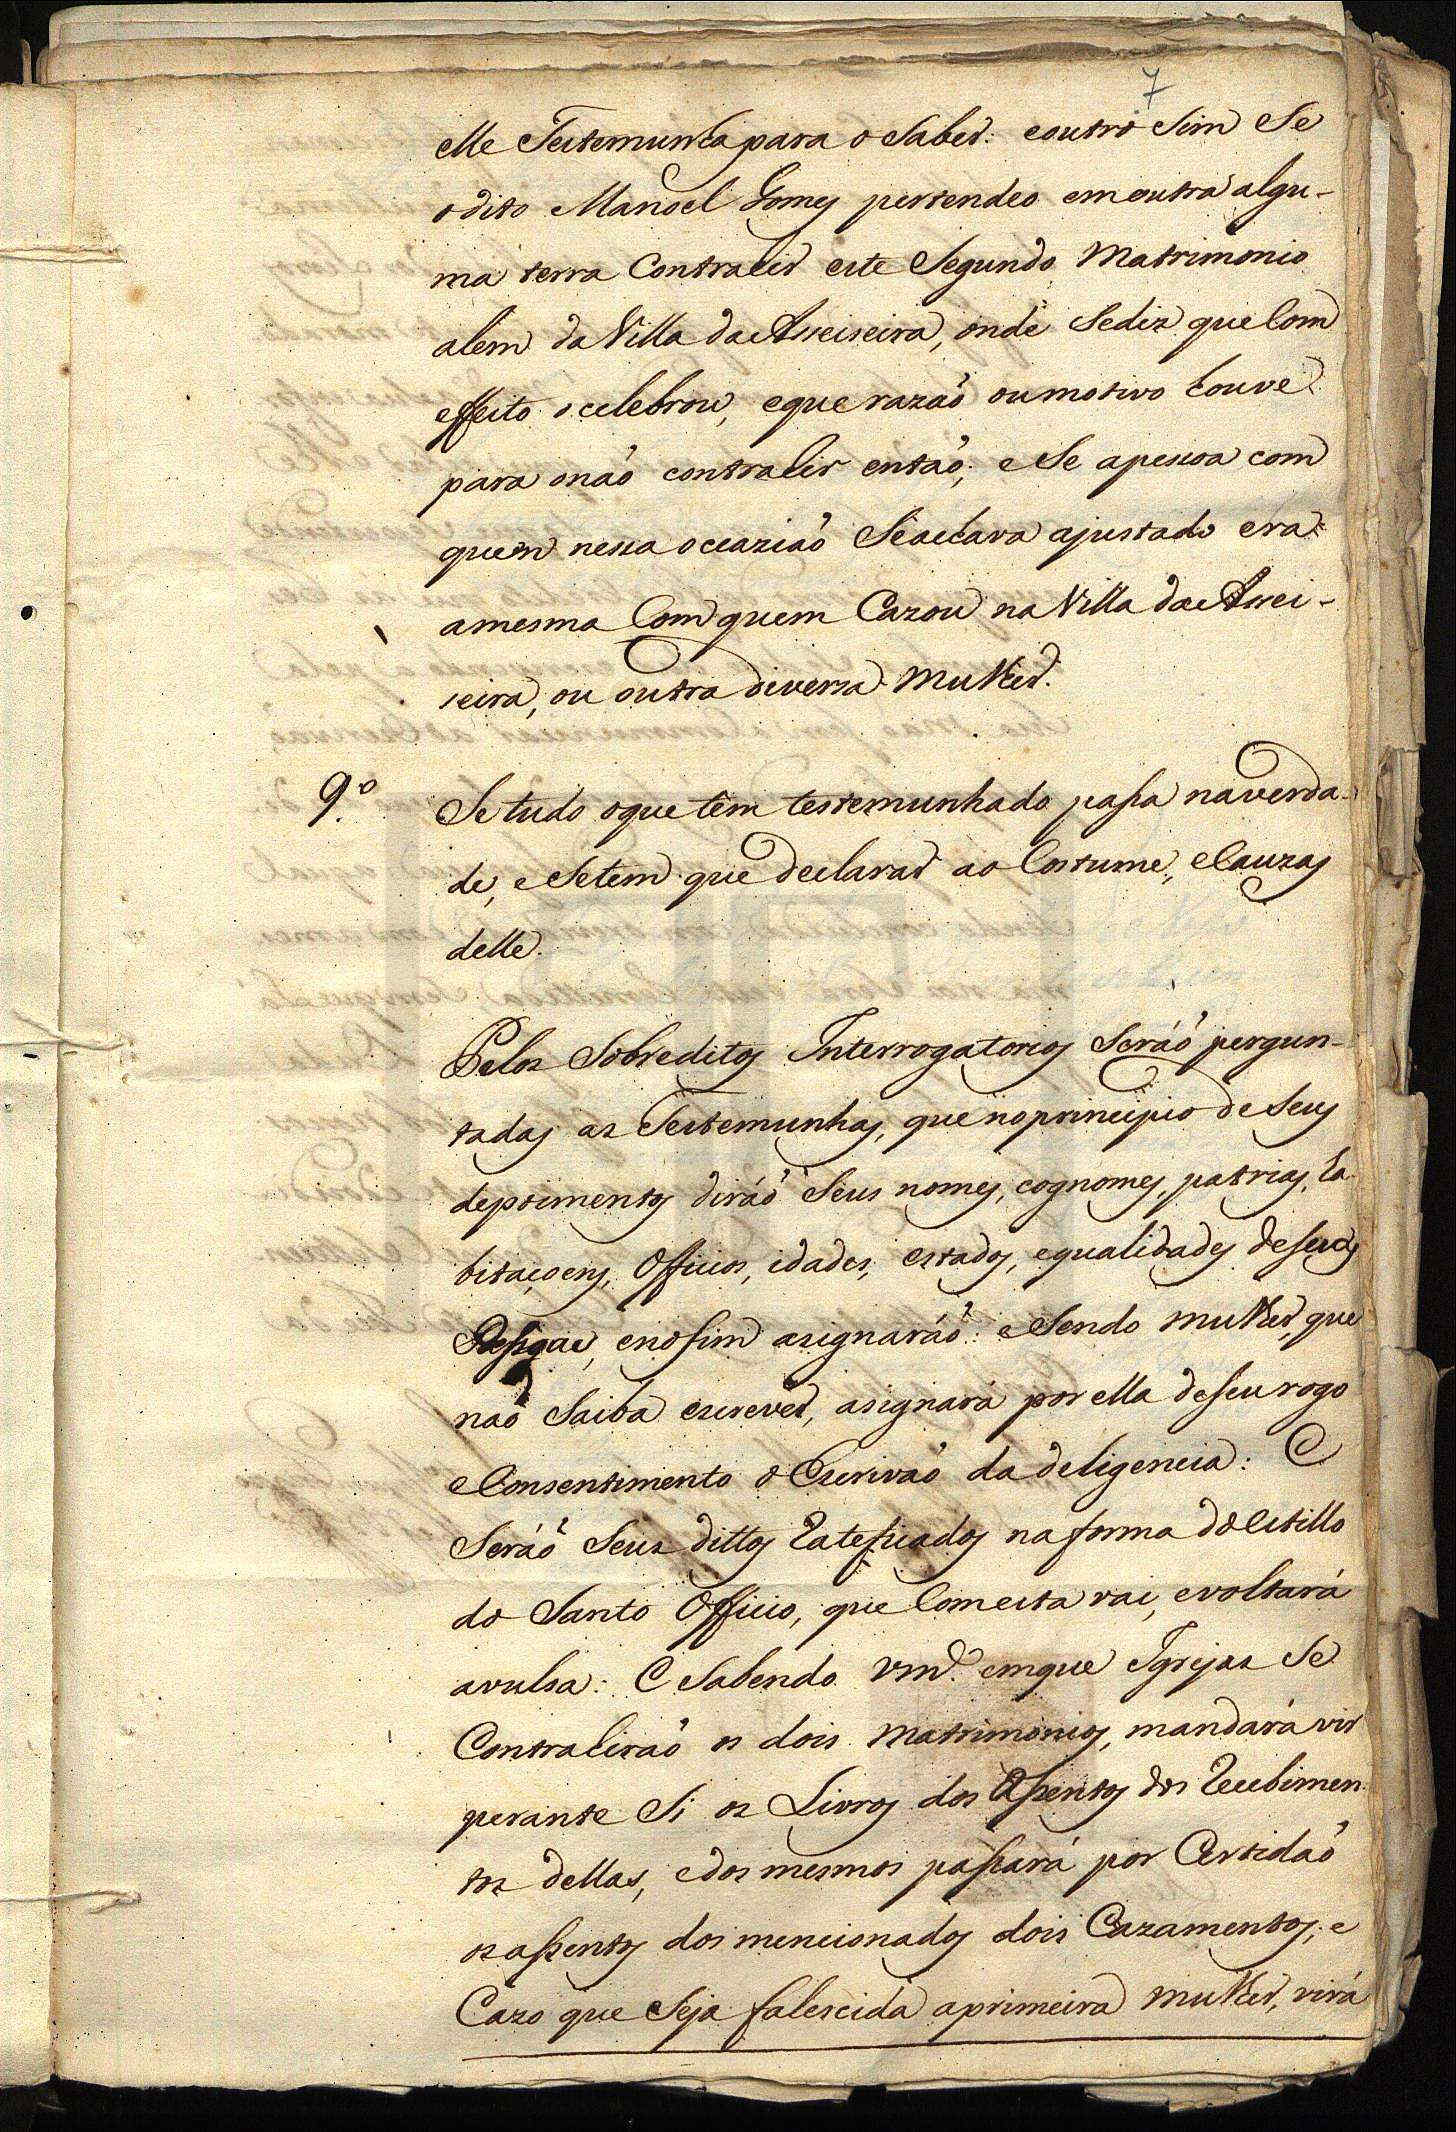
9.
elle Testemunha para o saber: e outrosim Se
o dito Manoel Gomes pertendeo em outra algu
ma terra contrahir este Segundo matrimonio
alem da Villa da Asseiseira, onde Se diz que Com
effeito o celebrou, e que razaõ ou motivo houve
para o naõ contrahir entaõ; e Se a pessoa com
quem nessa occaziaõ Se achava ajustado era
a mesma Com quem Cazou na Villa da Assei
seira, ou outra diversa mulher.
Se tudo o que tem testemunhado passa na verda
de, e Se tem que declarar ao Costume, e Cauzas
delle.
Pelos Sobreditos Interrogatorios seraõ pergun
tadas as Testemunhas, que no principio de seus
depoimentos dirão Seus nomes, cognomes, patrias, ha
bitaçoens, Officios, idades, estados, e qualidades de suas
Pessoas, e no fim asignaraõ: e Sendo mulher, que
naõ Saiba escrever, asignará por ella de seu rogo
e Consentimento o Escrivaõ da deligencia: E
Serão seus dittos Rateficados na forma do estillo
do Santo Officio, que com esta vai, e voltará
avulsa: E sabendo v m.e em que Igrejas se
Contrahiraõ os dois matrimonios, mandará vir
perante Si os Livros dos Assentos dos Recebimen
tos dellas, e dos mesmos passara por Certidaõ
os assentos dos mencionados dois Cazamentos; e
Cazo que seja falescida a primeira mulher, virá
